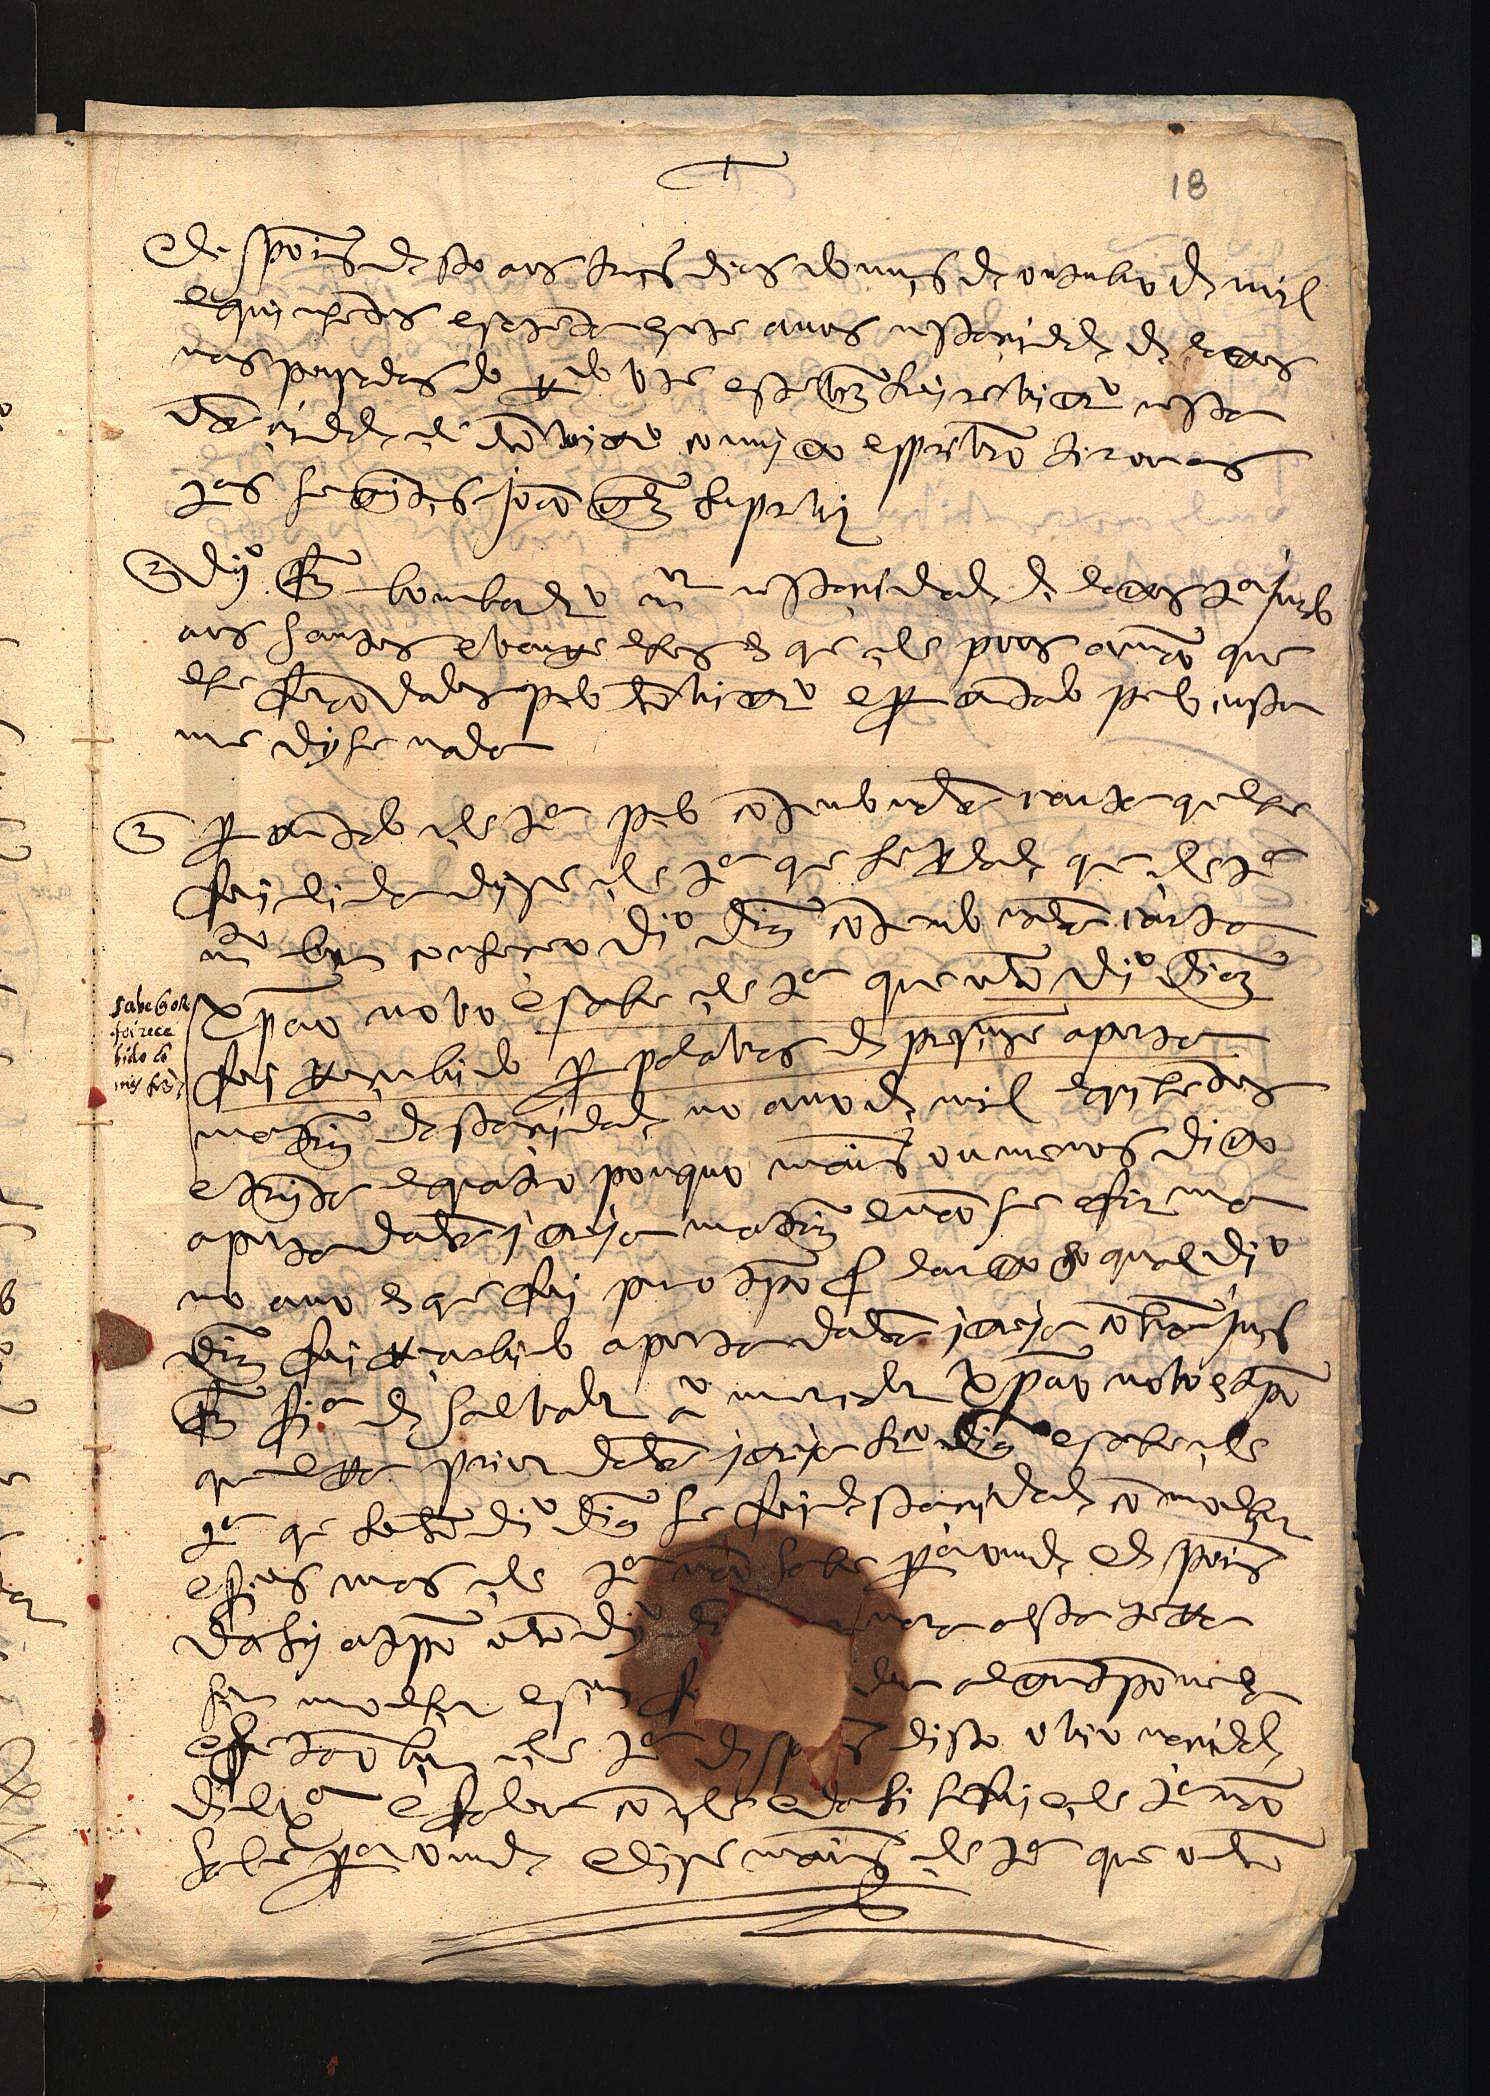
e desp̄ois desto aos tres dias do mes de outubro de mjl
e qujnhētos e setēta sete anos nesta çidade de lagos
nas pousadas do ꝟdo vte estevez̄ frejre vigro nesta
dt̄a çidade he d̄to vigro comjgo espreveo trovas
tas seḡujtes João ḡlz ho prvj
item djo f̄rz bombadro mor nesta çidade de lagos ta Jurado
aos Santos evangelhos e qe ele poos a mão que
lhe forão dados pelo d̄to vigro e ꝑgūtado pelo custu
me dyse nada
item ꝑgūtado ele ta pelo cōteudo n d̄ta carta que lhe
foy lida dyse ele ta que he ꝟdade que ele ta
sabe q̄ o R
mto bem conheçeo dio d̄ias cōteudo na d̄ta carta
xpão novo e sabe ele ta que o ħo dio d̄iaz
foi rece
bido ho
foj Reçebido ꝑ palavras de presēte a porta
ines frz̄
matriz desta çjdade no ano de mil e qujhētos
e trj̄ta e quatro pouquo m̄ais ou menos digo
a porta da ħa jgreja matriz e não se afirma
no ano e que foj pro tp̄o ꞩ largo ho qual djo
d̄iz foj Reçebido a porta da ħa jgreja c̄o hūa jnes
f̄rz fia de Salvador ao morador xpão novos e t̄po
que eRa prior da ħa jgreja frco d̄iaz e sabe ele
ta que ho ħo dio d̄ias se foy desta çidade cō molher
e fias mas ele ta naõ sabe ꝑa vmde e despois
ora a esta teRa
dahy a tp̄o o d̄to di
algū tp̄o nele
ser molher e sem
e he tãobem ele ta desp_s disto o veo na çidade
de lxa e falou cō ele e dahi se foj ele ta não
sabe ꝑa vmde e dise mais ele ta que o ħo
